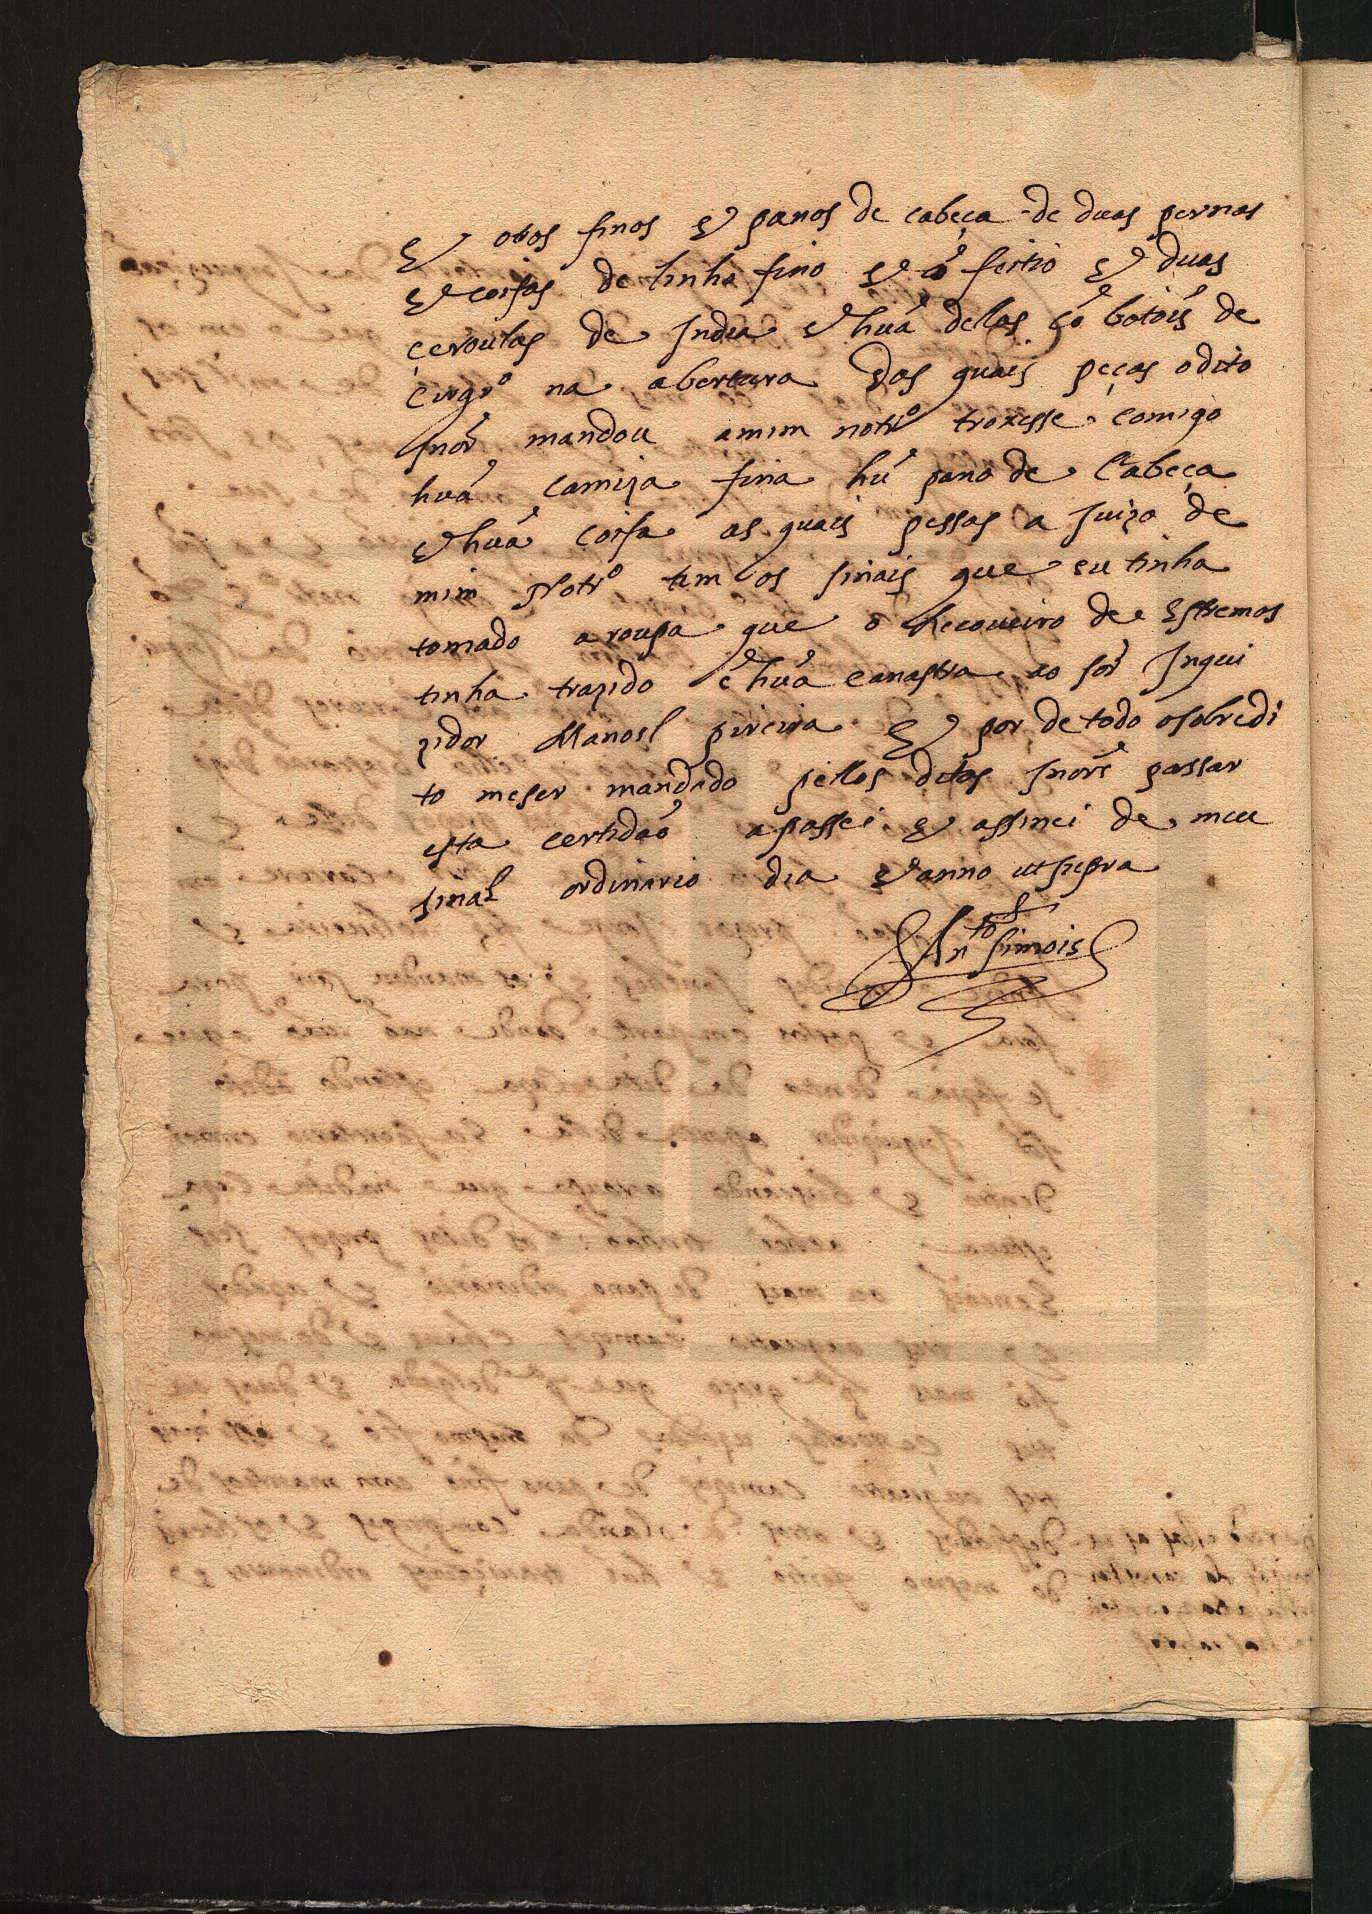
E otros finos E panos de cabeça de duas pernas
E costas de linho fino E cō feitio E duas
ceroulas de Jndia E huā dellas cō botois̄ de
cirgro na abertura das quais peças o dito
snor̄ mandou a mim notro troxesse comigo
huā camiza fina hū pano de Cabeça
E huā coifa as quais pessas a Juizo de
mim Notro tem os sinais que Eu tinha
tomado a roupa que o Recoueiro de Estremos
tinha trazido e huā canastra ao sor̄ Jnqui
zidor Manoel pereira E por de todo o sobredi
to me ser mandado pellos ditos snors̄ passar
esta certidaõ a passei E assinei de meu
sinal ordinario dia E anno ut supra
Anto Simois
